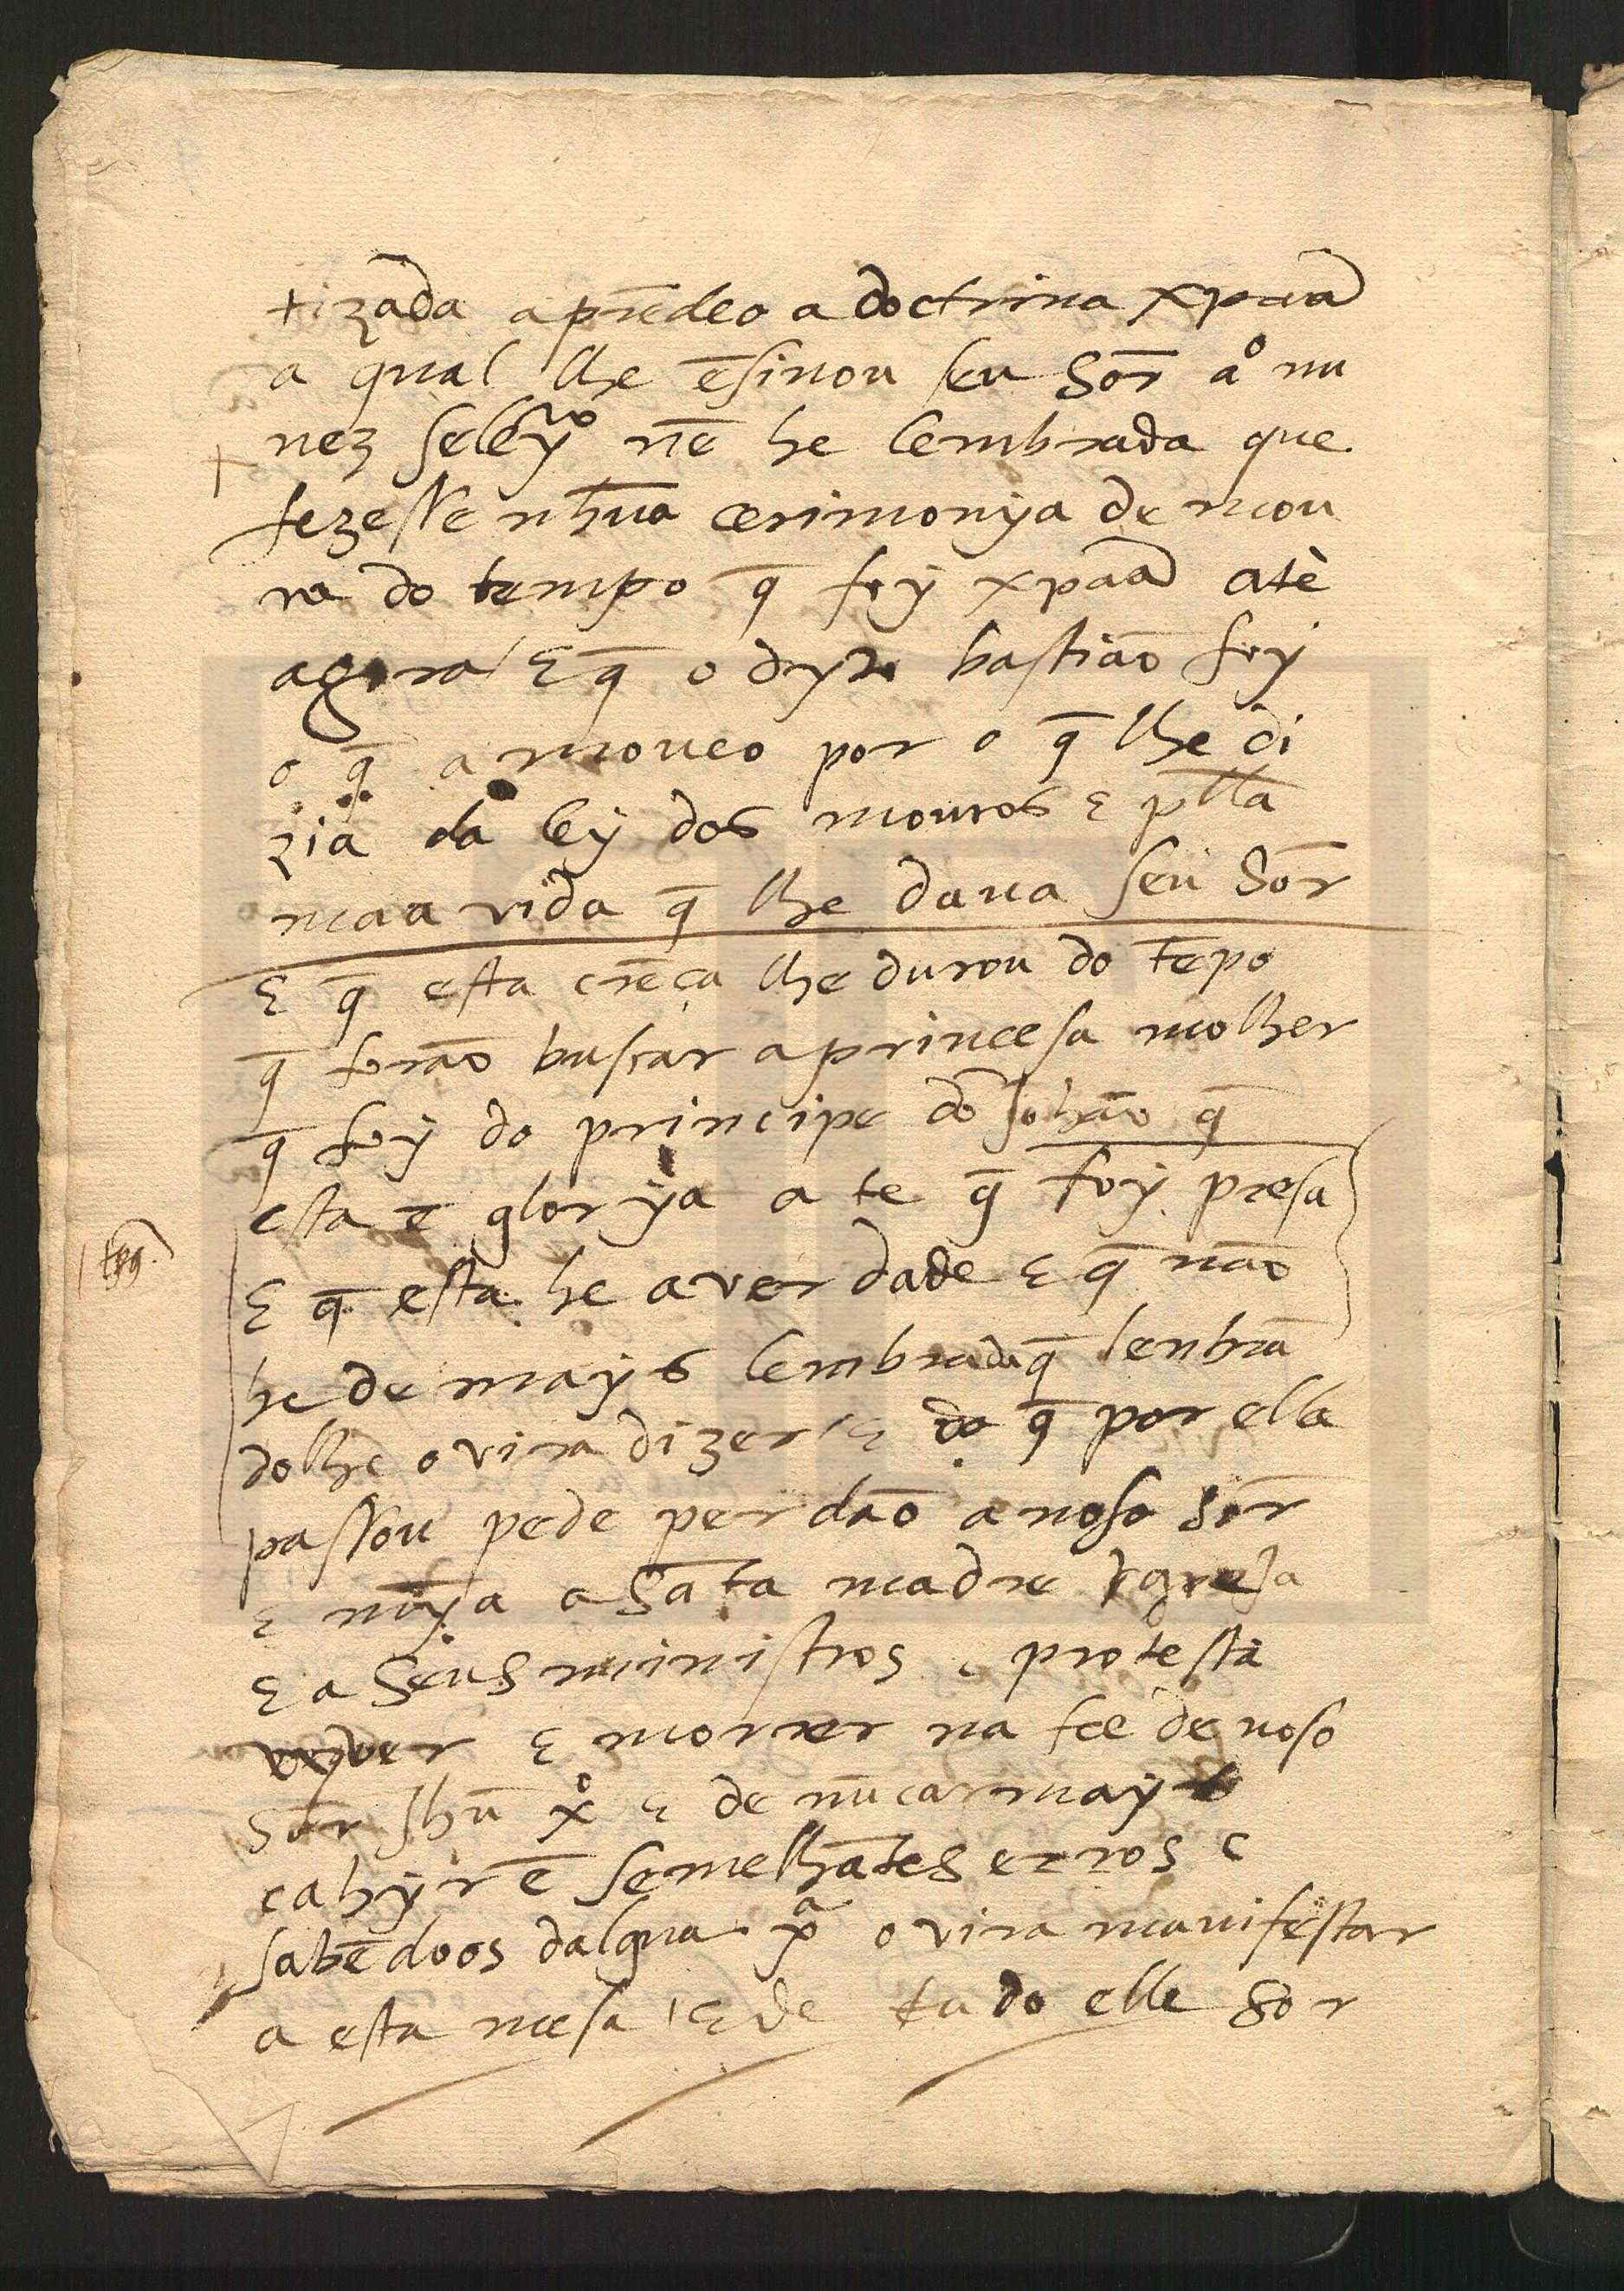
tp̄ꝯ.
tizada aprēdeo a doctrina xpaā
a qual lhe ēsinou hu sōr ao nu
nez seleyro nē he lembrada que
fezesse nhūa cerimonya de mou
ra do tempo q̄ foy xpāa até
agora / E q̄ o dyto bastião foy
o q̄ a moveo por o q̄ lhe di
zia da ley dos mouros E p̄lla
maa vida q̄ lhe daua seu sōr
E q̄ esta crēça lhe durou do tēpo
q̄ forão buscar a princesa molher
q̄ foy do principe dō Johão q̄
esta ē glorya ate q̄ foy presa
E q̄ esta he a verdade E q̄ não
he de mays lembrada q̄ lenbrā
dolhe ovira dizer / E do q̄ por ella
passou pede perdão a noso sōr
E mȳa a s̄ata madre IgreJa
E a seus ministros e protesta
vyver E morrer na fee de noso
sōr Jhū xo E de nūca may_
cahyr ē semelhātes erros e
sabēdoos dalgua pa o vira manifestar
a esta mesa / E de tudo elle sōr
